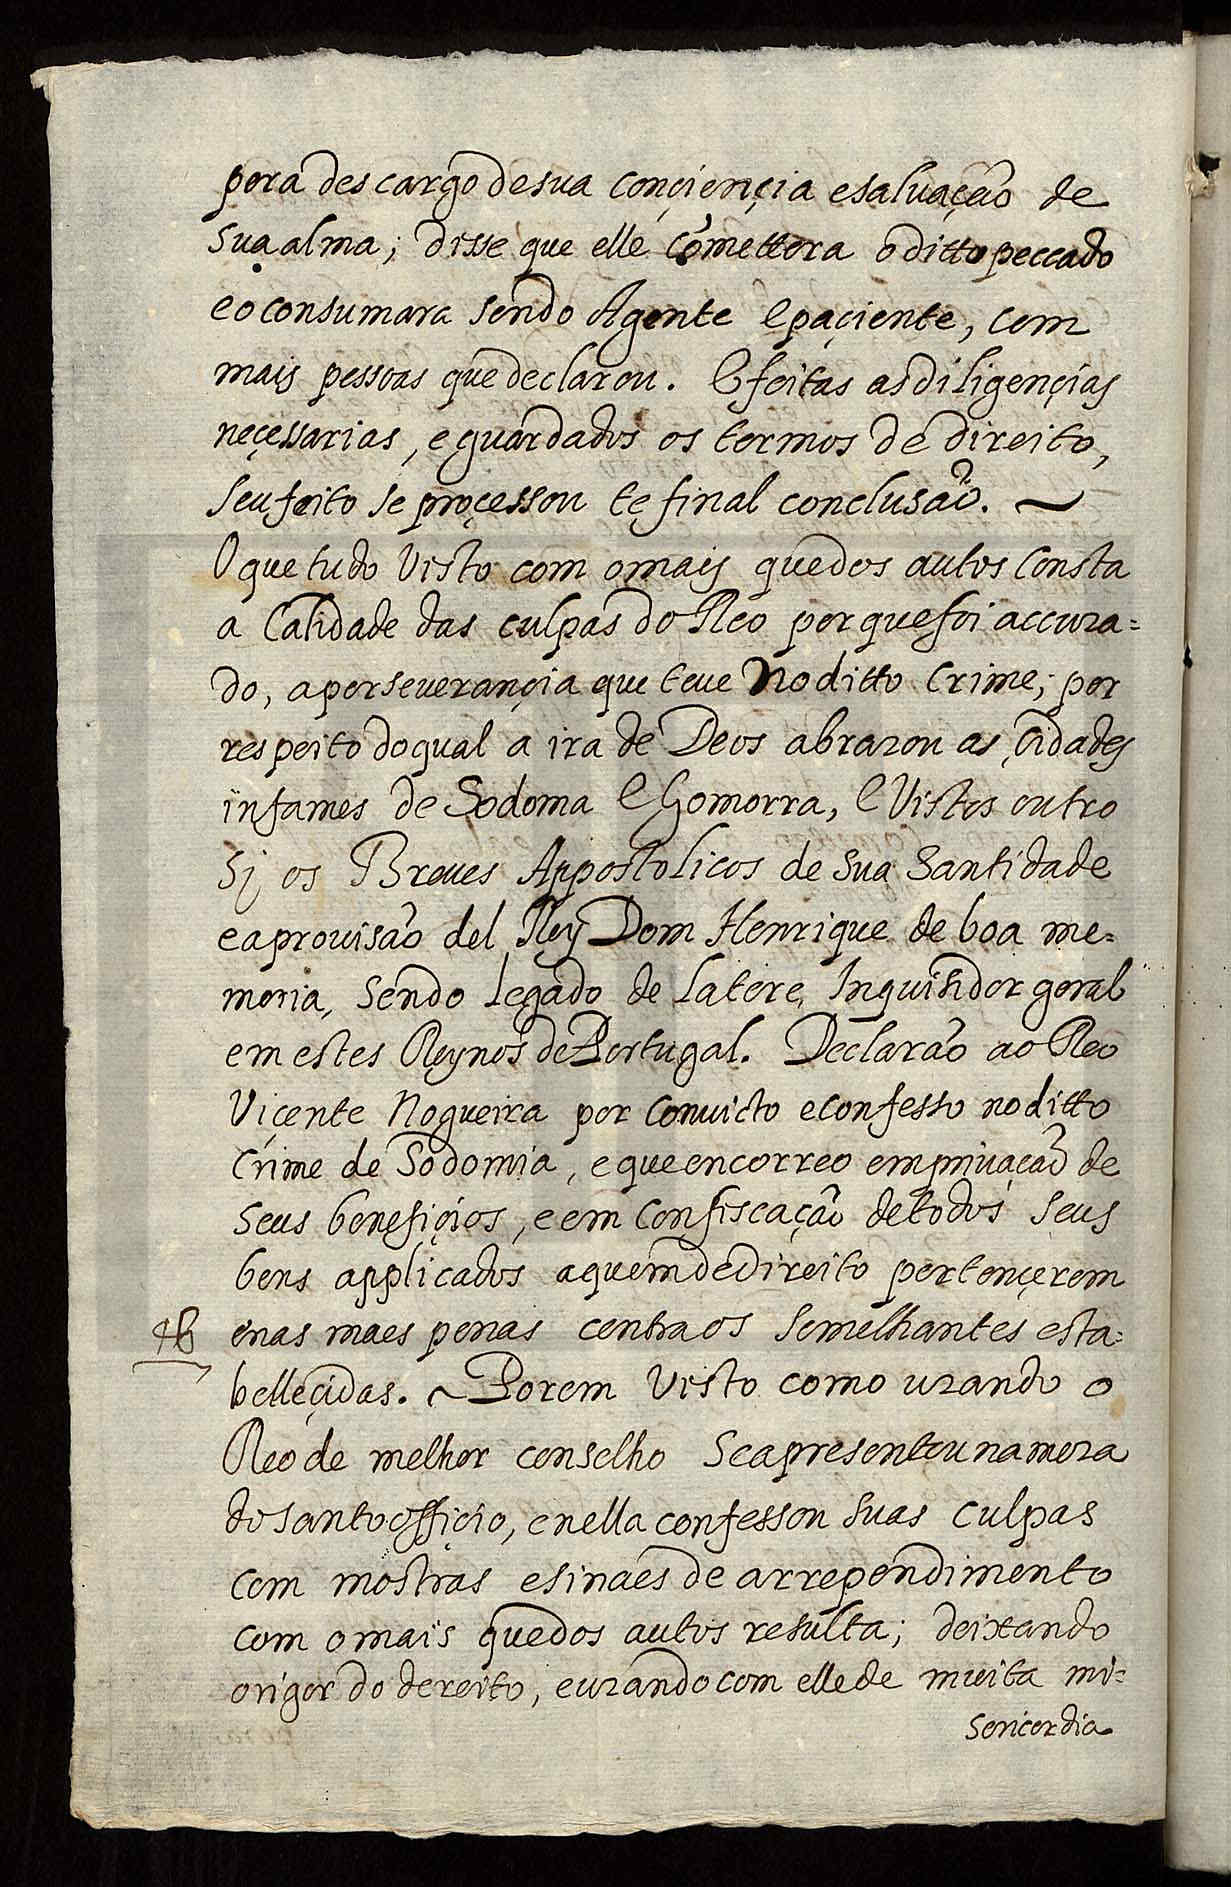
pera descargo de sua conçiençia e salvação de
sua alma; disse que elle cōmettera o ditto peccado
e o consumara sendo Agente e paçiente, com
mais pessoas que declarou. E feitas as diligençias
neçessarias, e guardados os termos de direito,
seu feito se proçessou te final conclusão.
O que tudo visto com o mais que dos autos consta
a Calidade das culpas do Reo por que foi accuza
do, a perseverançia que teve no ditto crime; por
respeito do qual a ira de Deos abrazou as çidades
infames de Sodoma e Gomorra, e vistos outro
sj os Breves Appostolicos de Sua Santidade
e a provisão del Rey Dom Henrique de boa me
moria, sendo Legado de Latere, Inquisidor geral
em estes Reynos de Portugal. Declarão ao Reo
Vicente Nogueira por convicto e confesso no ditto
crime de Sodomia, e que encorreo em privação de
seus benefiçios, e em confiscação de todos seus
bens applicados a quem de direito pertençerem
e nas maes penas contra os semelhantes esta
belleçidas. Porem visto como uzando o
Reo de melhor conselho se apresentou na meza
do Santo Officio, e nella confessou suas culpas
com mostras e sinaes de arrependimento
com o mais que dos autos resulta; deixando
o rigor do dereito, e uzando com elle de muita mi
sericordia
